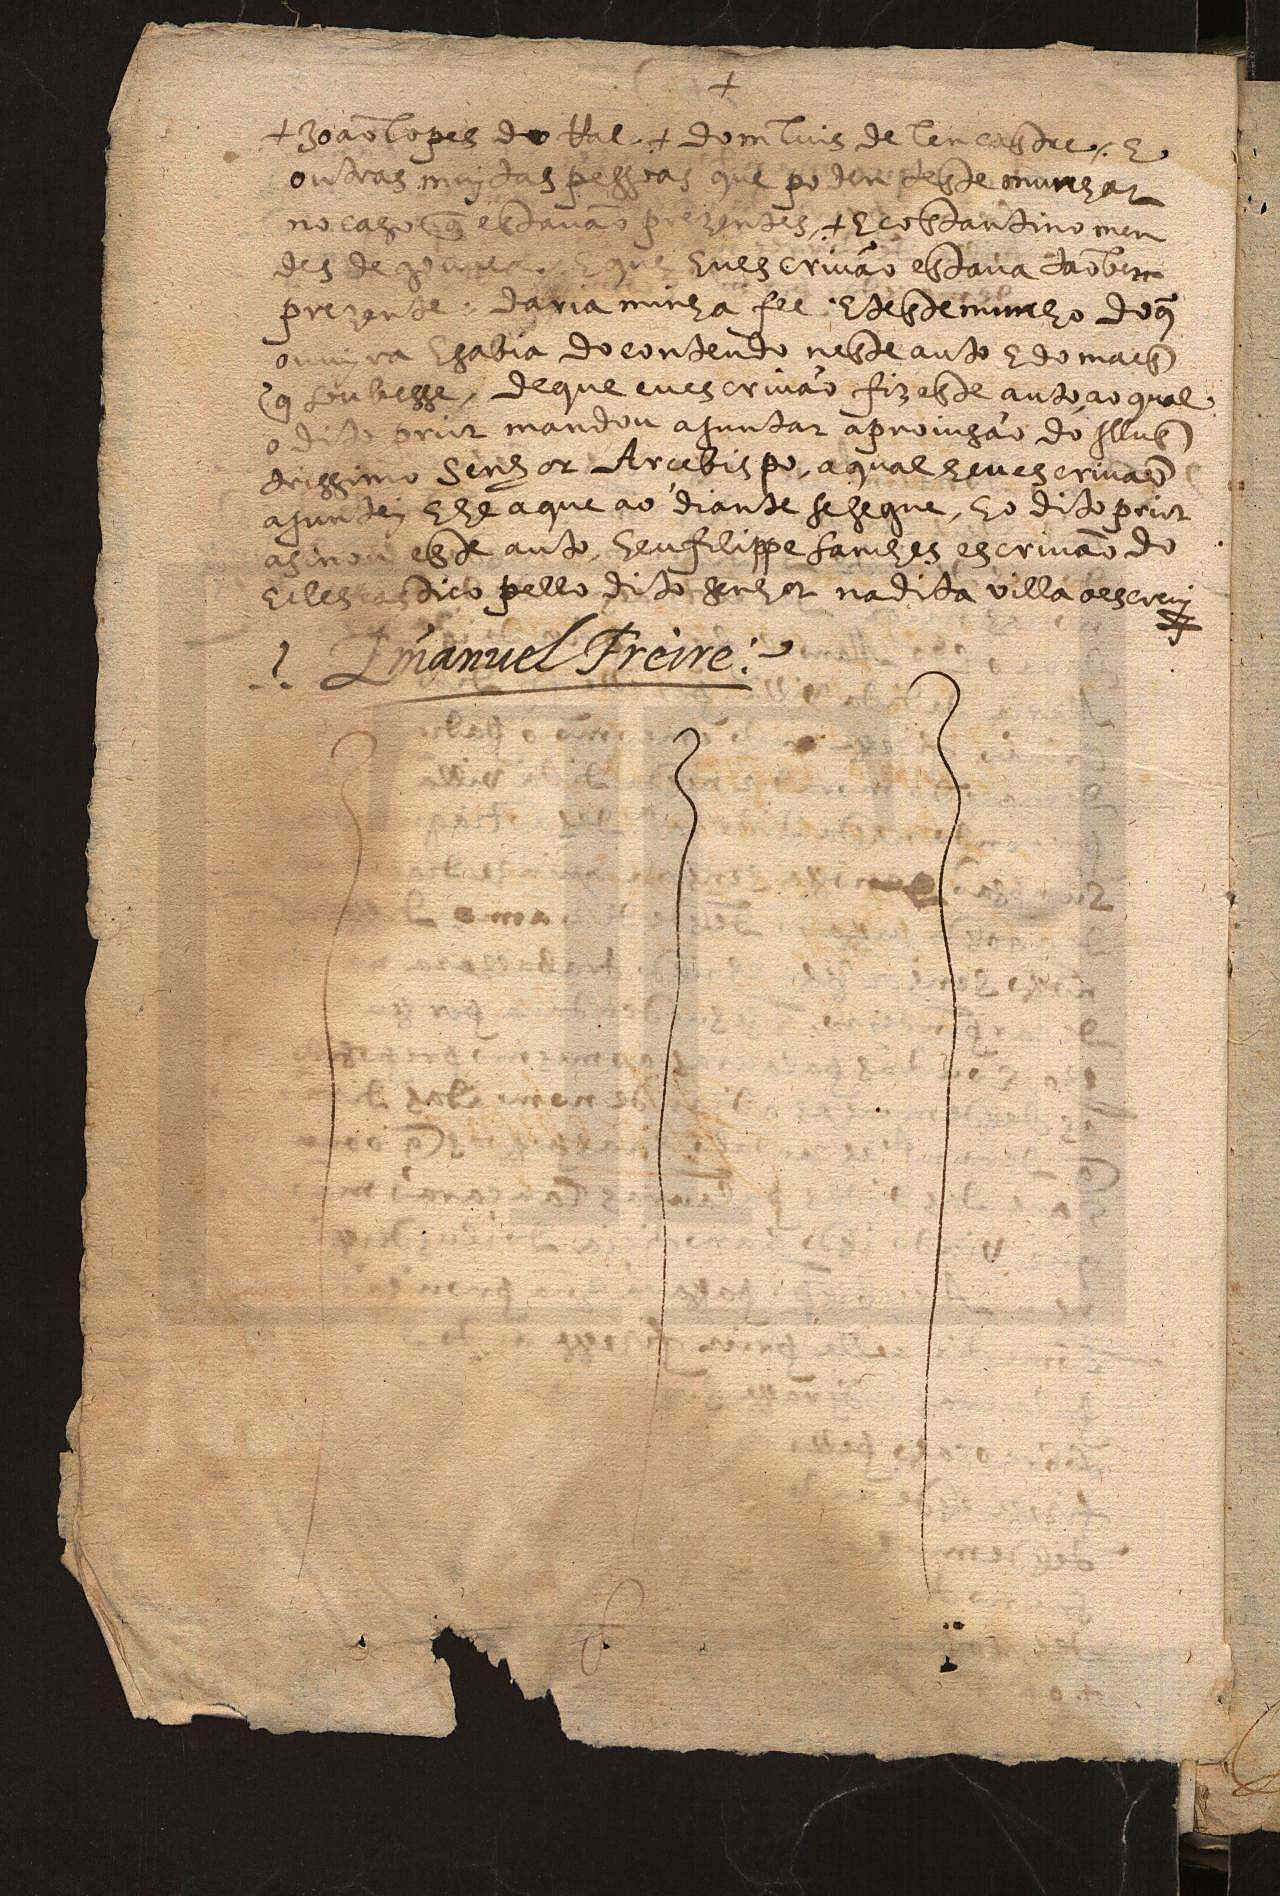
+ João lopes do Ral + dom luis de lencastre /. E
outras mujtas pessoas que poden testemunhar
no caso q̄ estauão prezentes, + E costantino men
des de gouuea / E que Eu escriuão estaua taõbem
prezente: daria minha fee E testemunho do q̄
ouujra E sabia do conteudo neste auto E do mais
q̄ soubesse, de que eu escriuão fiz este auto, ao qual
o dito prior mandou ajuntar a prouisão do Jllus
trissimo Senhor Arcebispo, a qual heu escriuaõ
ajuntej E he a que ao diante se segue, E o dito prior
asinou este auto, E eu filippe sanches escriuão do
Eclesiastico pello dito senhor na dita villa o escreuj
Em̄anuel Freire
